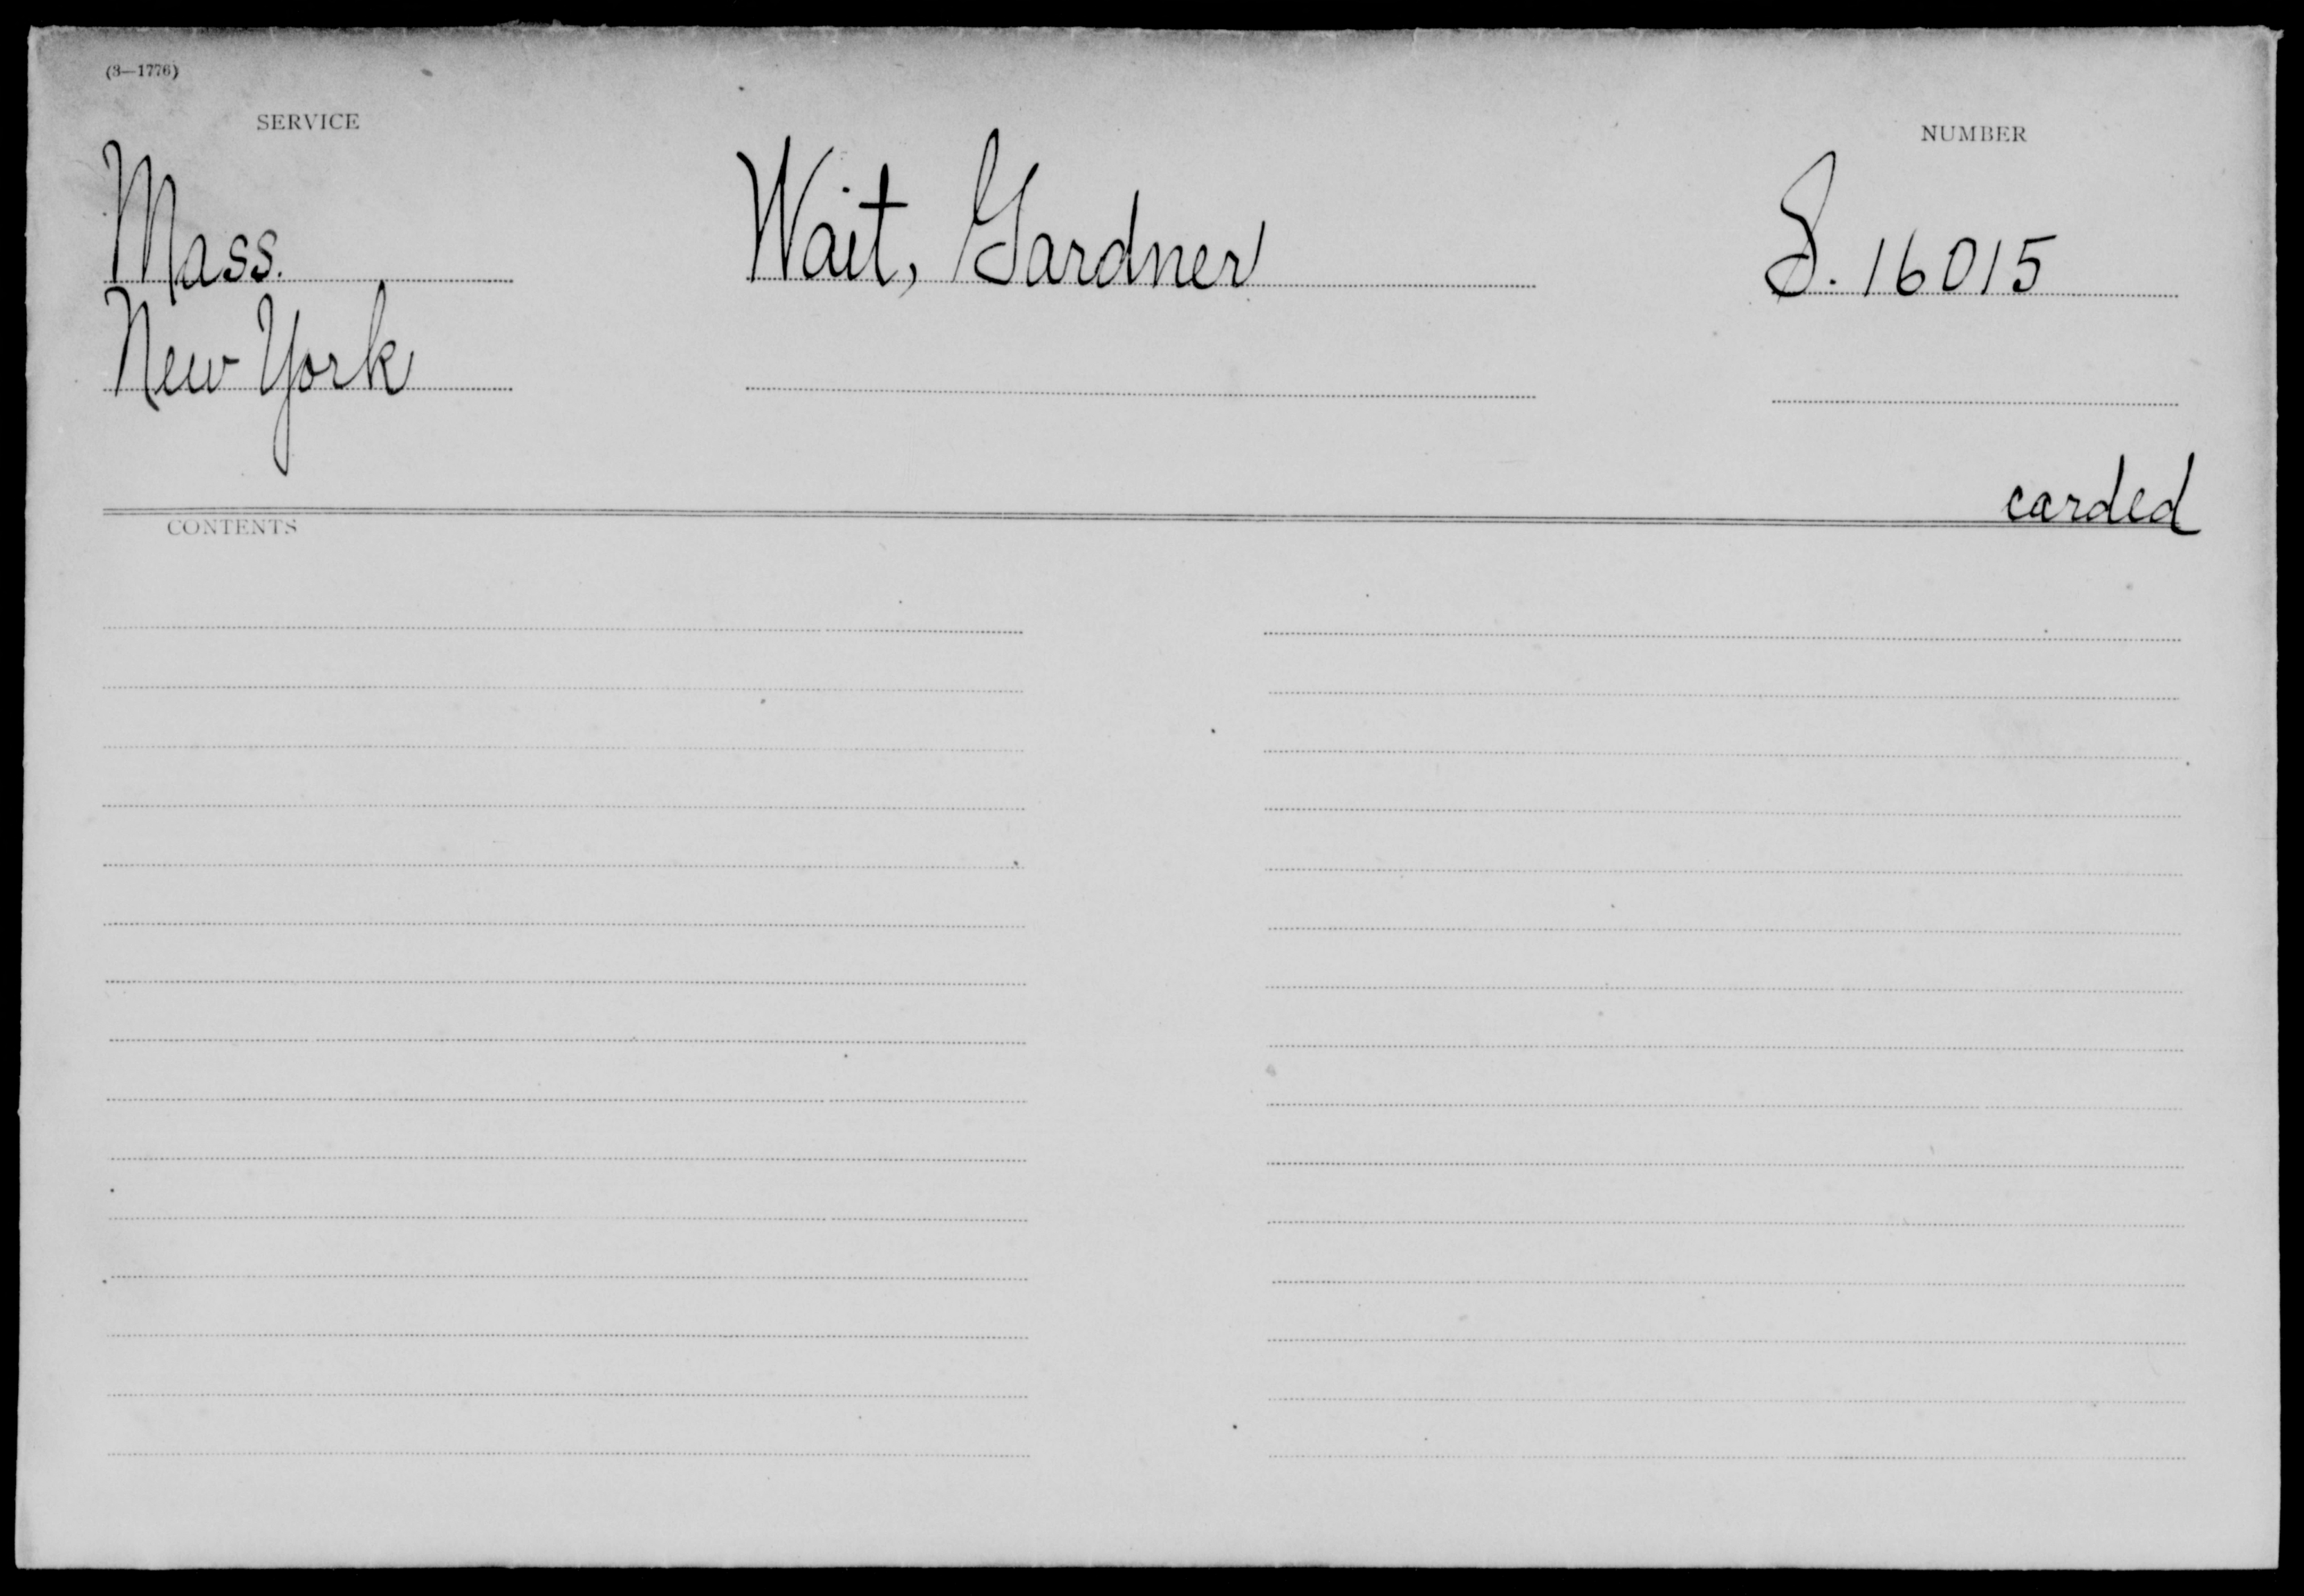Mass. New York Wait, Gardner S.16015 carded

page: 1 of 26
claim: survivor's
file: S. 16015, Gardner Wait, Mass. New York